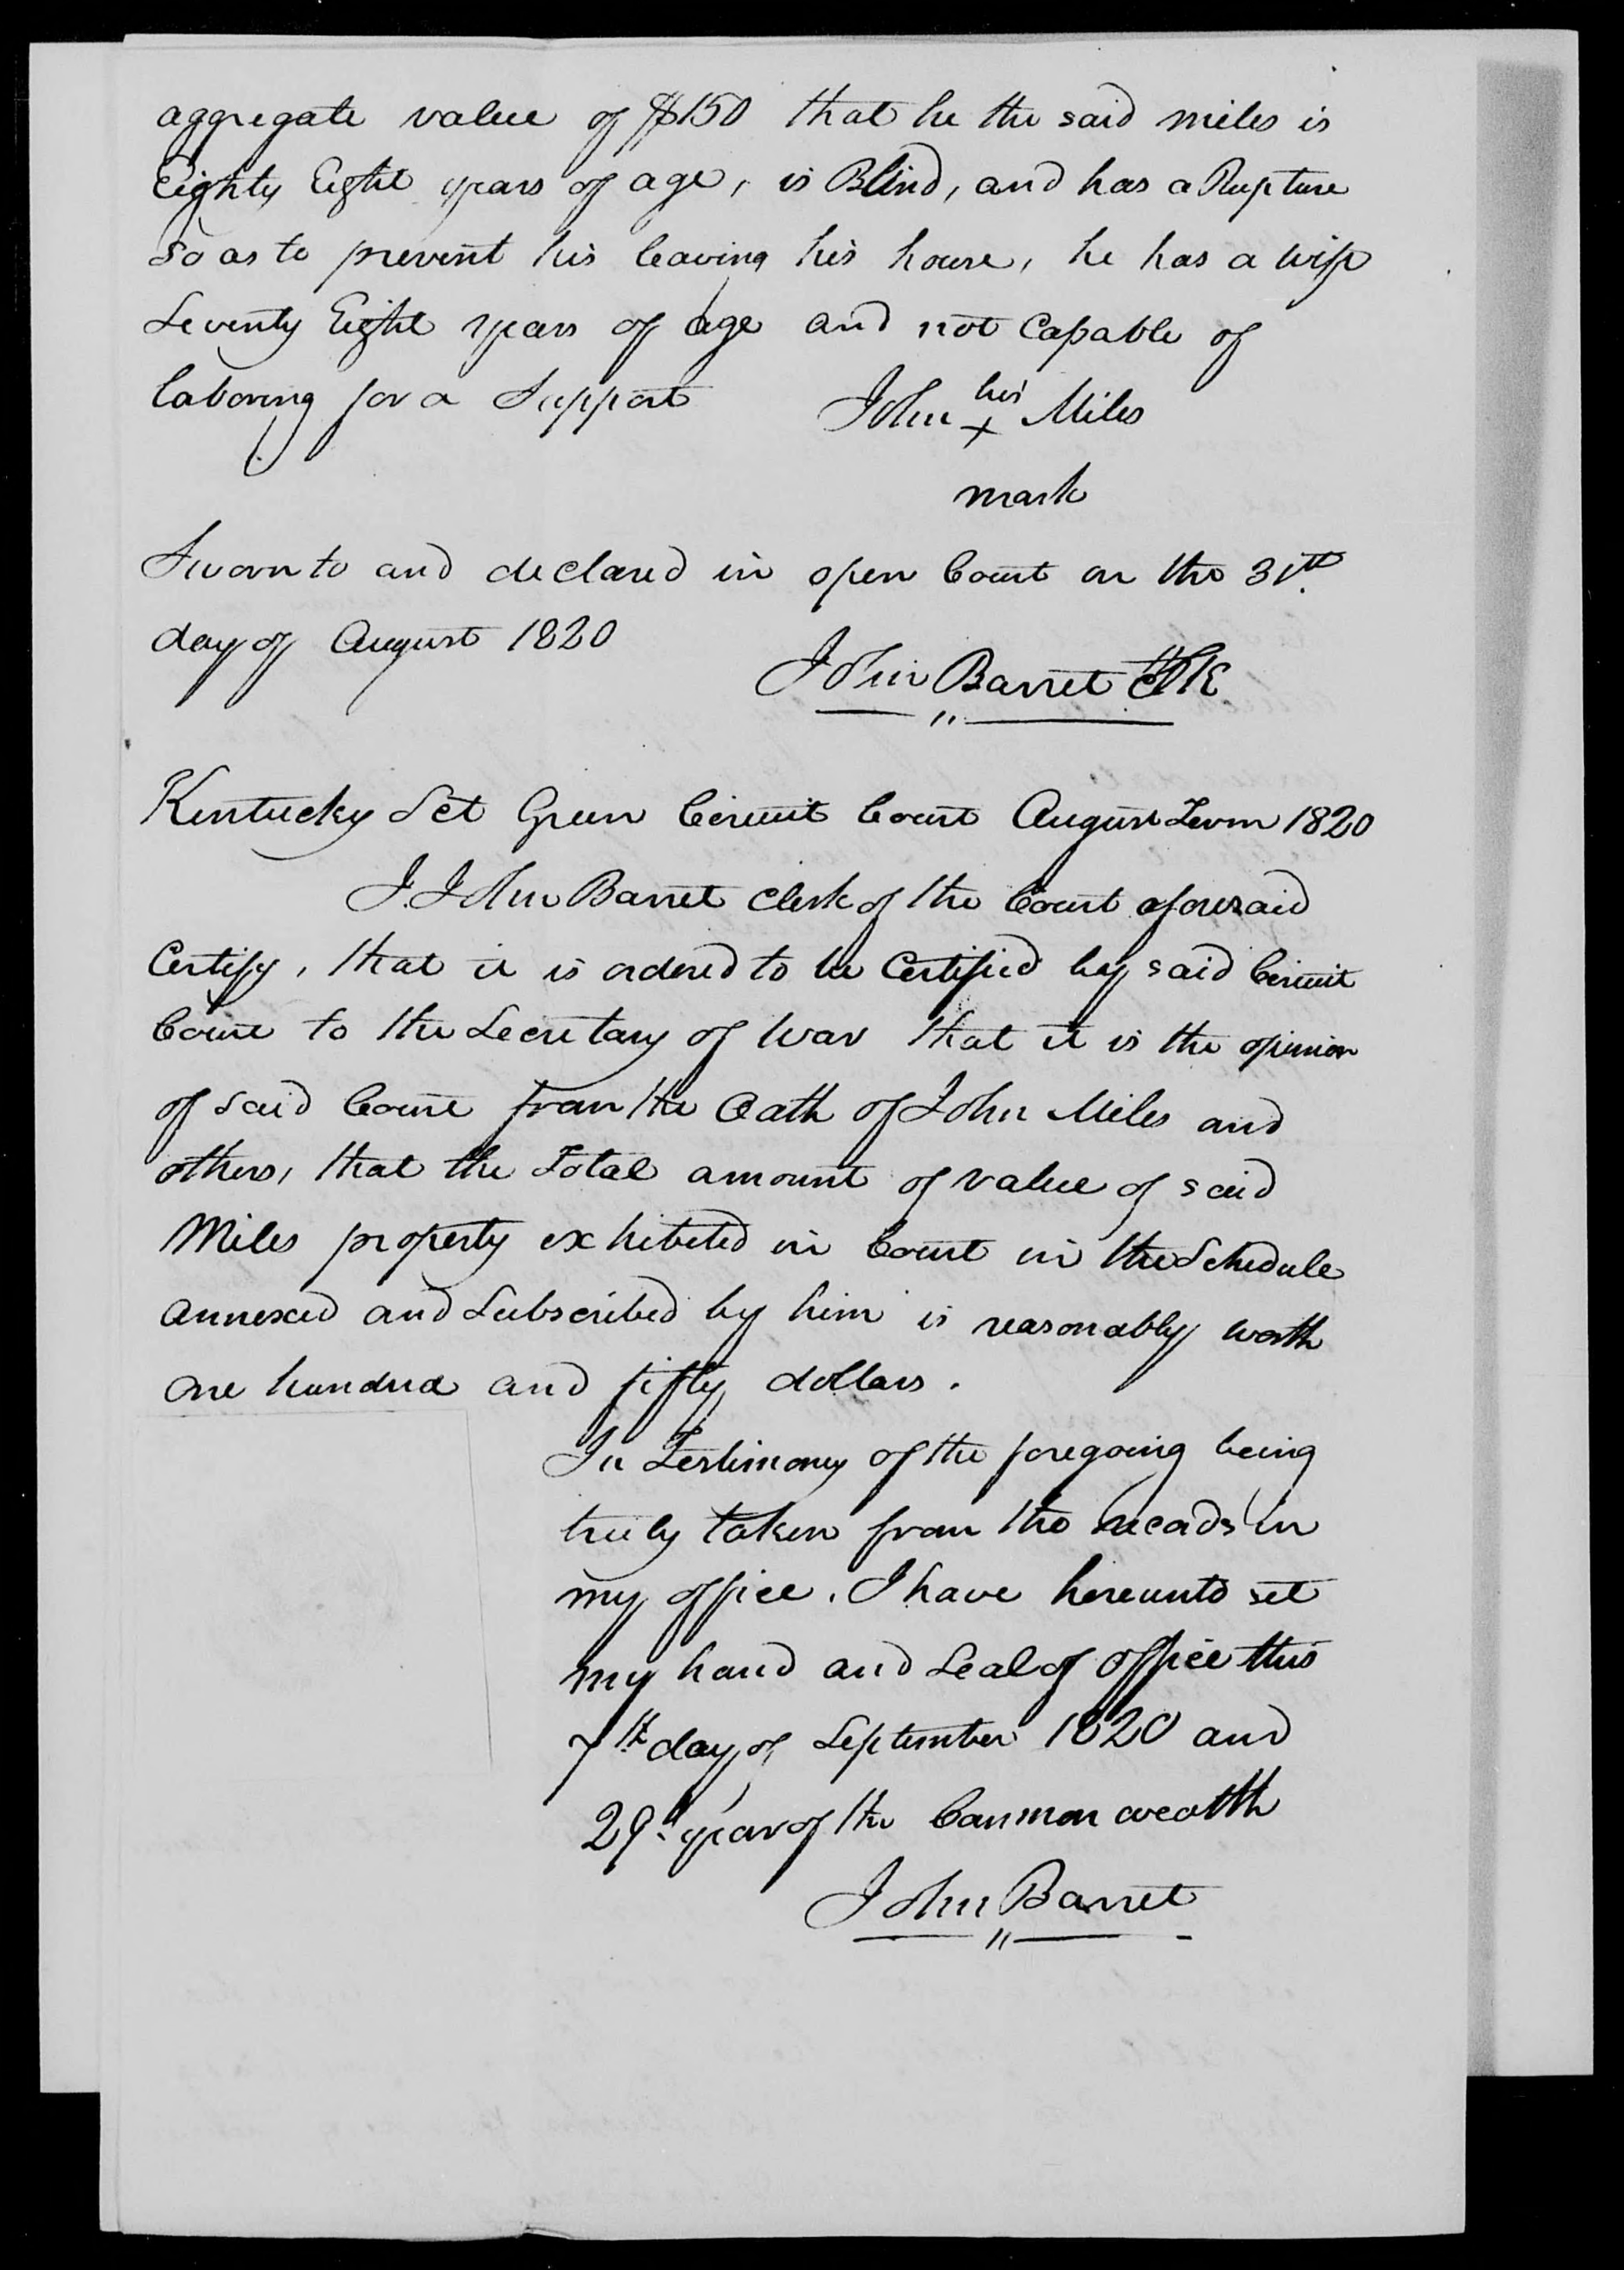aggregate value of $150 that he the said miles is Eighty Eight years of age, is Blind, and has a Rupture so as to prevent his leaving his house, he has a wife Seventy Eight years of age and not capable of laboring for a support. 
John [his x mark]

Sworn to and declare in open Court on the 31st day of August 1820.
[signed] John Barret [?]

Kentucky Set Green Circuit Court August Seven 1820
J.J. Barret Clerk of the Court aforesaid certify, that it is ordered to the certified by said Circuit Court to the Secretary of War that it is the opinion of said Court from the oath of John Miles and others, that the Total amount of value of said Miles property exhibited in Court in the Scheduled annexed and subscribed by him is reasonably work one hundred and fifty dollars.

In Testimony of the foregoing being truly taken from the records in my office. I have hereunto set my hand and seal of office this 
7th day of September 1820 and 29 years of the Commonwealth

[signed] John Barret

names: John Miles; John Barret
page: 5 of 24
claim: survivor's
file: S 36138, for John Miles, Maryland